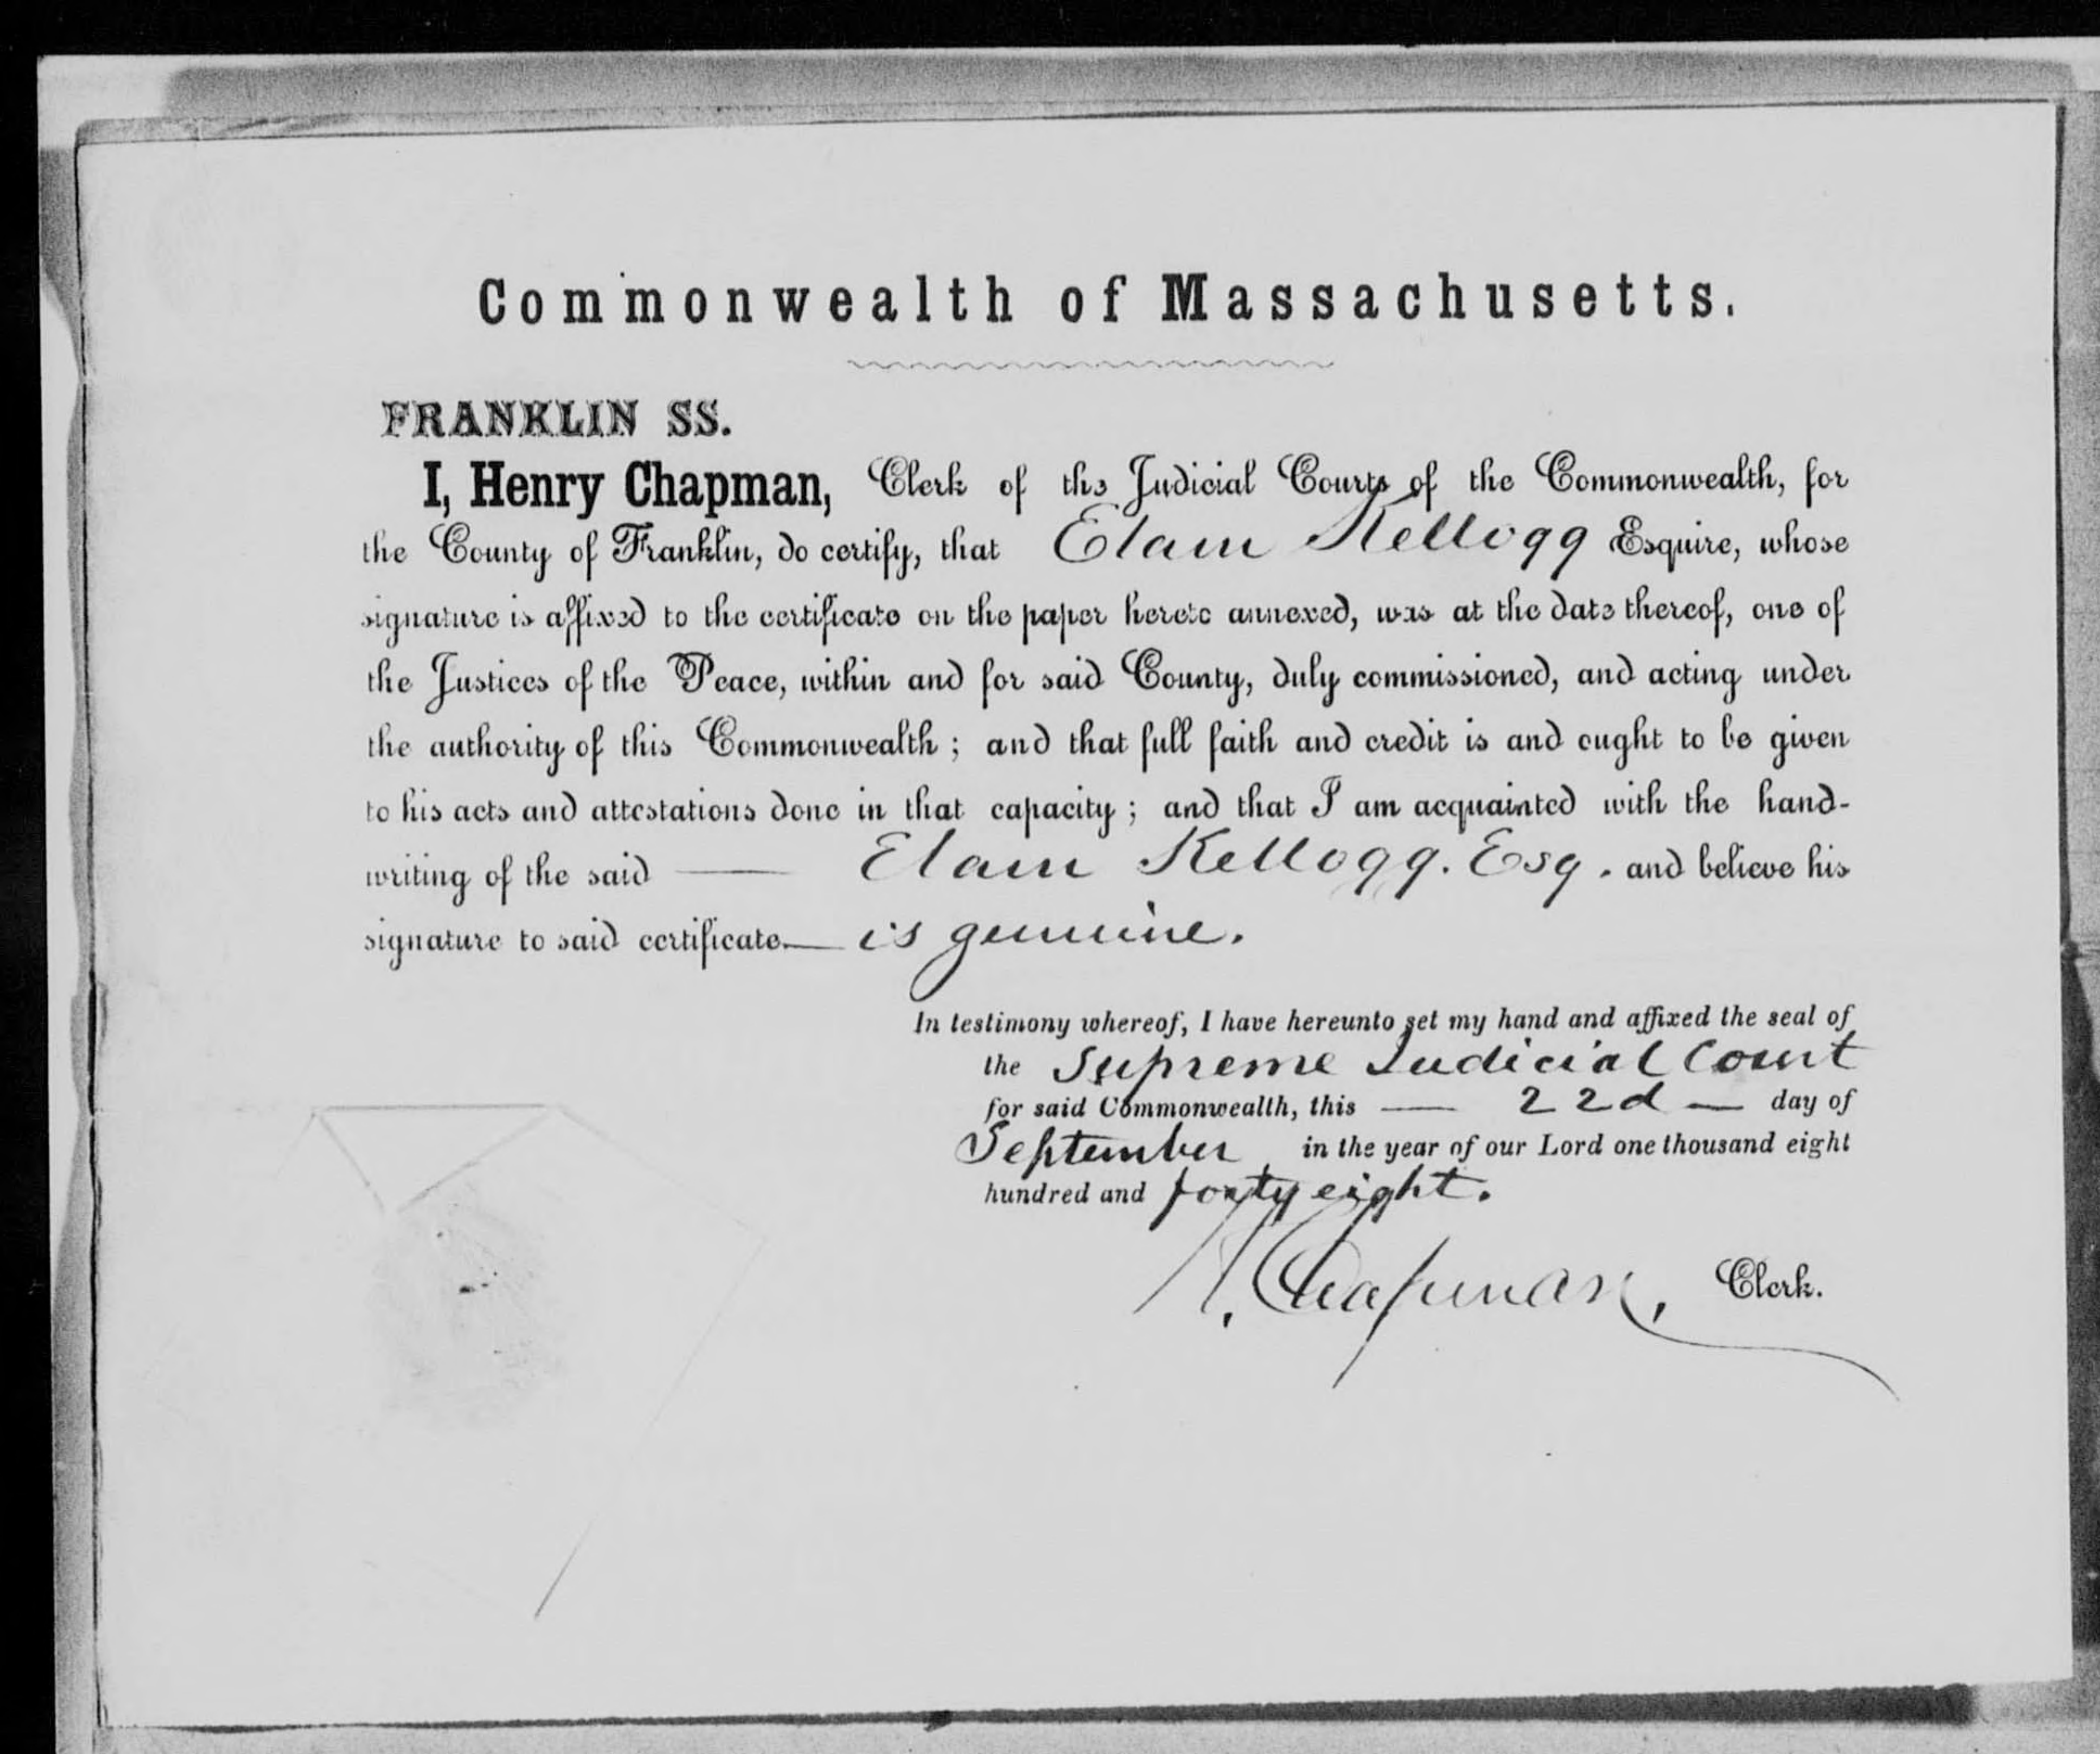Commonwealth of Massachusetts.
FRANKLIN SS.
I, Henry Chapman, Clerk of the Judicial Courts of the Commonwealth, for
the County of Franklin, do certify, that Elam Kellogg Esquire, whose
signature is affixed to the certificate on the paper hereto annexed, was at the date thereof, one of the
Justices of the Peace, within and for said County, duly commissioned, and acting under the
authority of this Commonwealth; and that full faith and credit is and ought to be given
to his acts and attestations done in that capacity; and that I am acquainted with the hand
writing of the said Elam Kellogg, Esq. and believe his
signature to said certificate is genuine.
In testimony whereof, I have hereunto set my hand and affixed the seal of
the Supreme Judicial Court
for said Commonwealth, this
22d day of
September in the year of our Lord one thousand eight
hundred and forty eight.
H. Chapman, Clerk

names: Elam Kellogg, H Chapman, Henry Chapman, Elam Kellogg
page: 38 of 39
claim: widow's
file: W. 20624, David Anderson, Mass